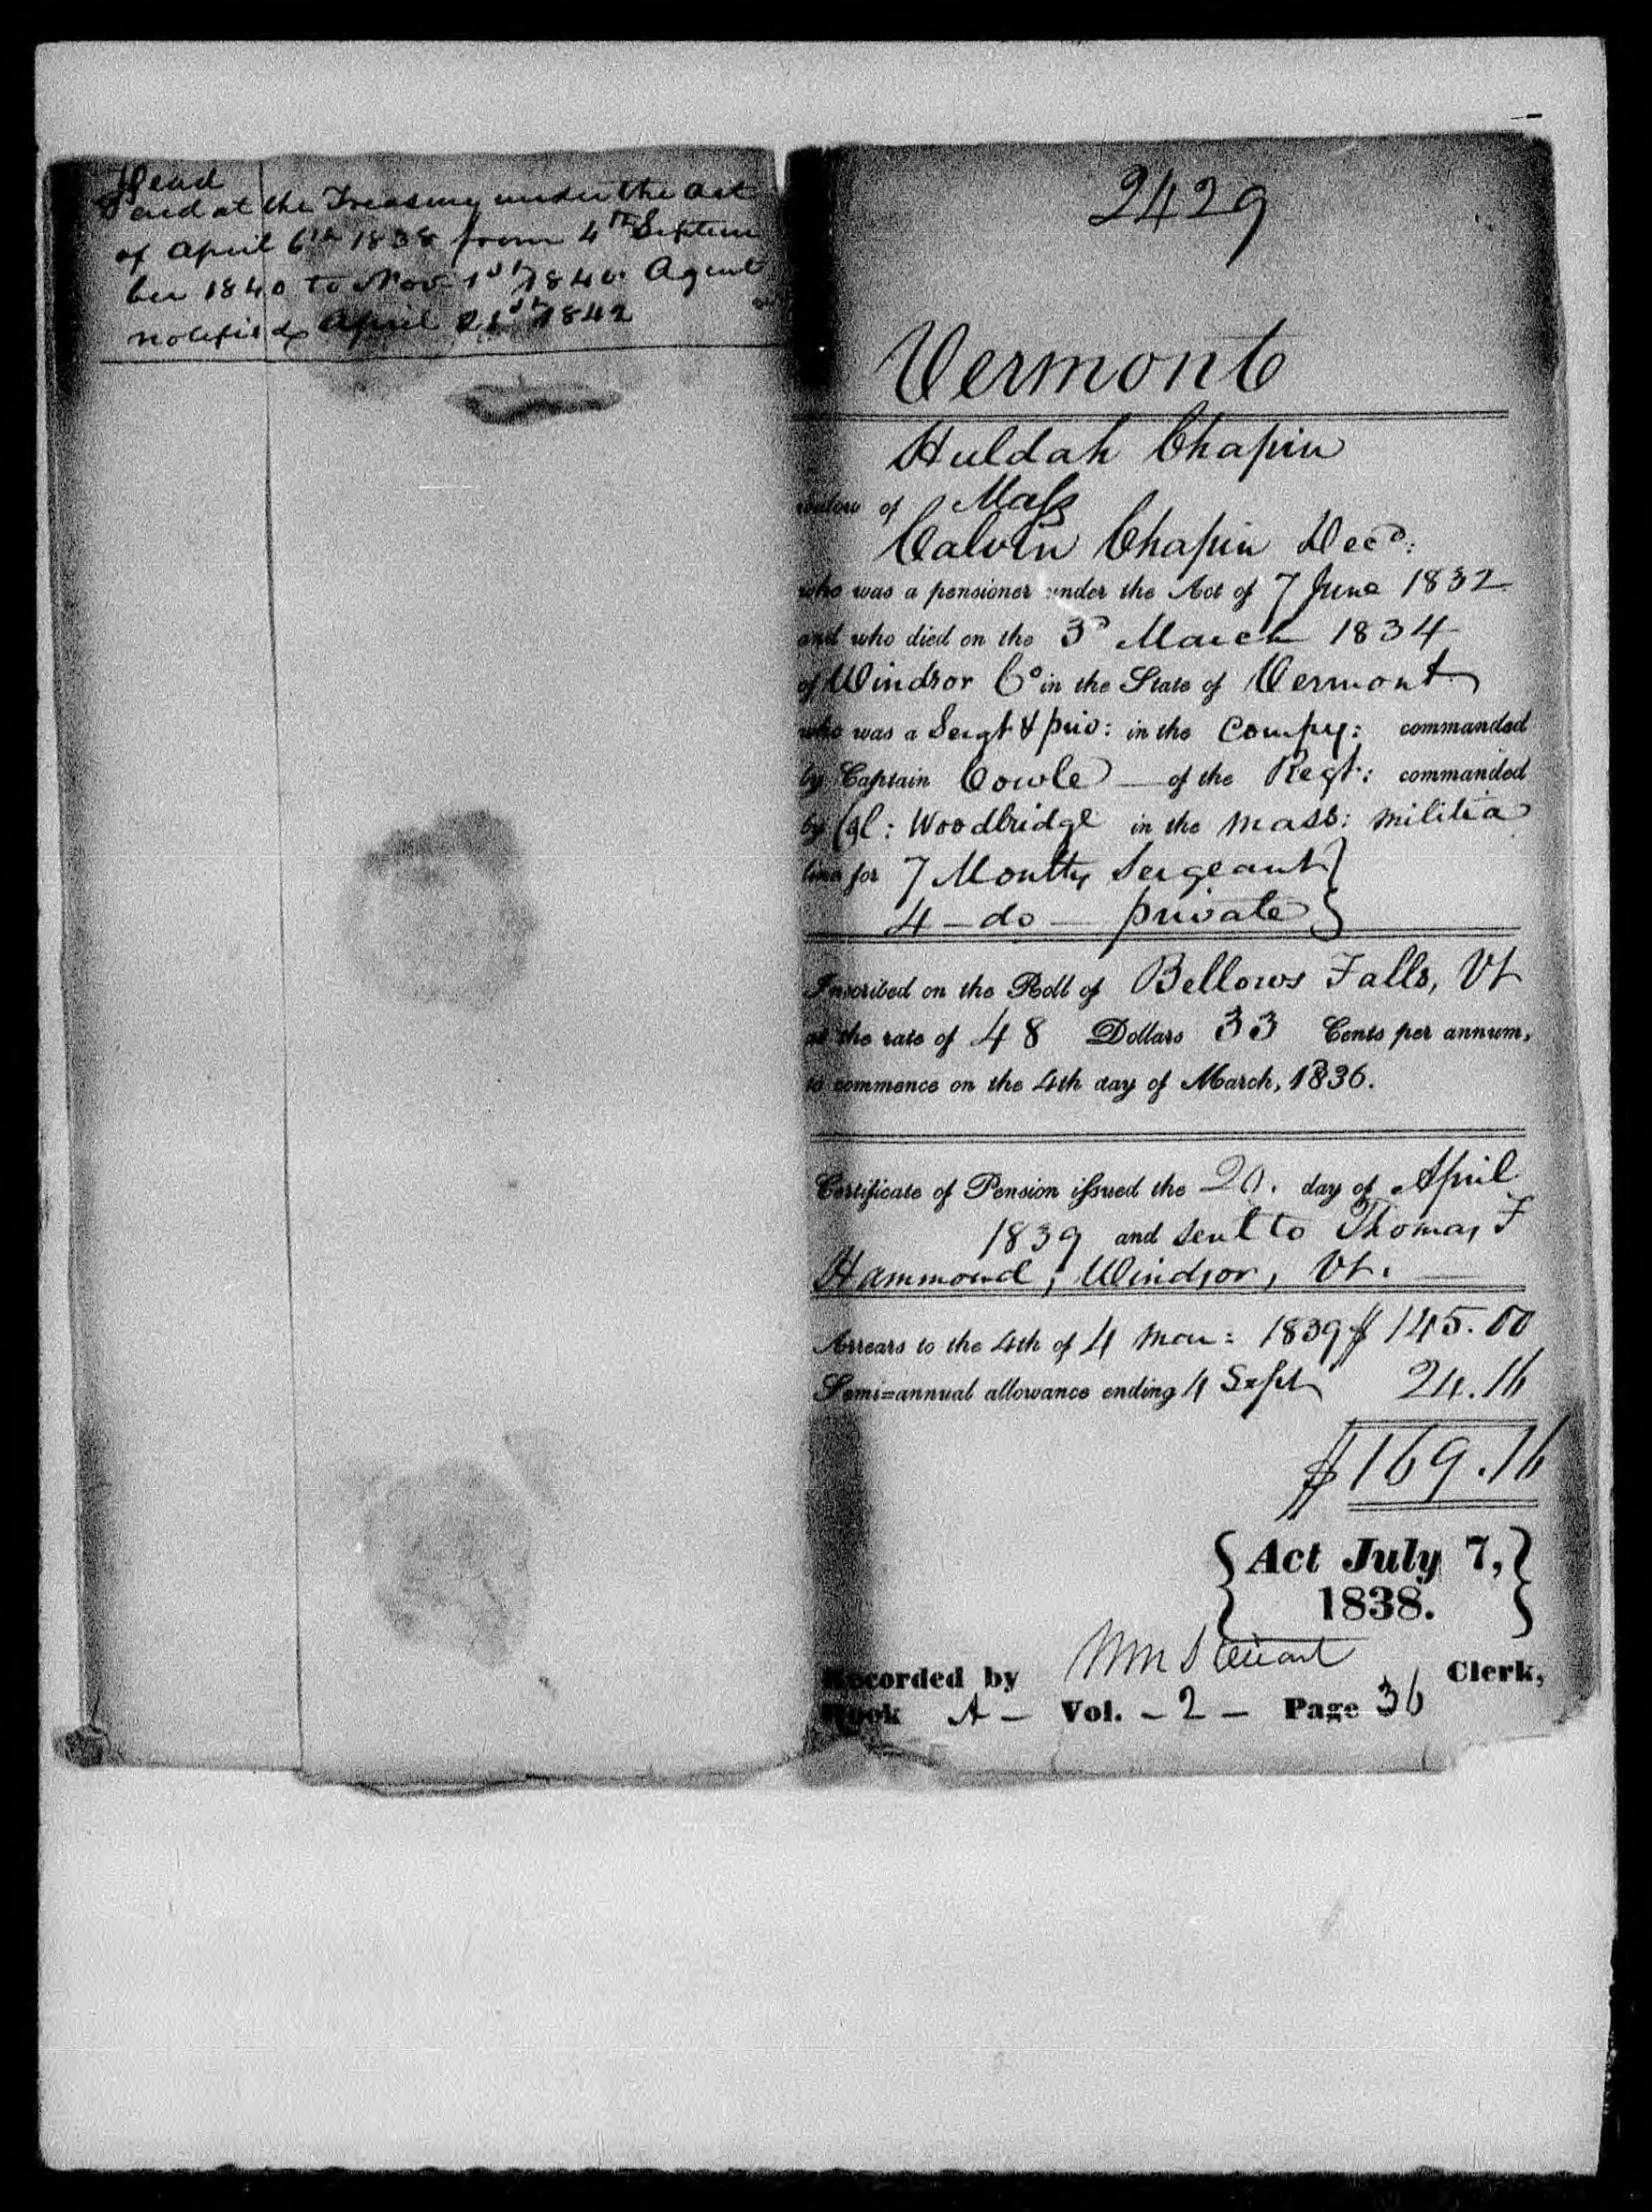Dead [left side of page]
Paid at the Treasury under the Act of April 6th 1838 from 4th September 1840 to Nov 1st 1840. Agent notified April 21st 1842

2429 [right side of page]
Vermont
Huldah Chapin
widow of Mass Calvin Chapin Dec'd.
who was a pensioner under the Act of 7 June 1832
and who died on the 3rd March 1834
of Windsor Co in the State of Vermont
who was a Sergt & priv: in the Compy: commanded
by Captain Cowle of the Regt: commanded
by Col: Woodbridge in the Mass: Militia
line for 7 months Sergeant
            4  do private
Prescribed on the Roll of Bellows Falls, Vt
at the rate of 48 Dollars 33 Cents per annum,
to commence on the 4th day of March, 1836.
Certificate of Pension issued the 20 day of April
1839 and sent to Thomas F Hammond, Windsor, Vt.
Arrears to the 4th of $ Mon: 1839       $145.00
Semi=annual allowance ending 4 Sept   24.16
                                                           ======
                                                             $169.16
                                                           ======
Act July 7, 1838
Recorded by Wm Steuart Clerk,
Book A_Vol._2_Page 36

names: Woodbridge, Huldah Chapin, Cowle, Wm Stewart, Calvin Chapin, Thomas F Hammond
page: 3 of 35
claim: widow's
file: W. 20,864, Calvin Chapin, Mass. Vt.